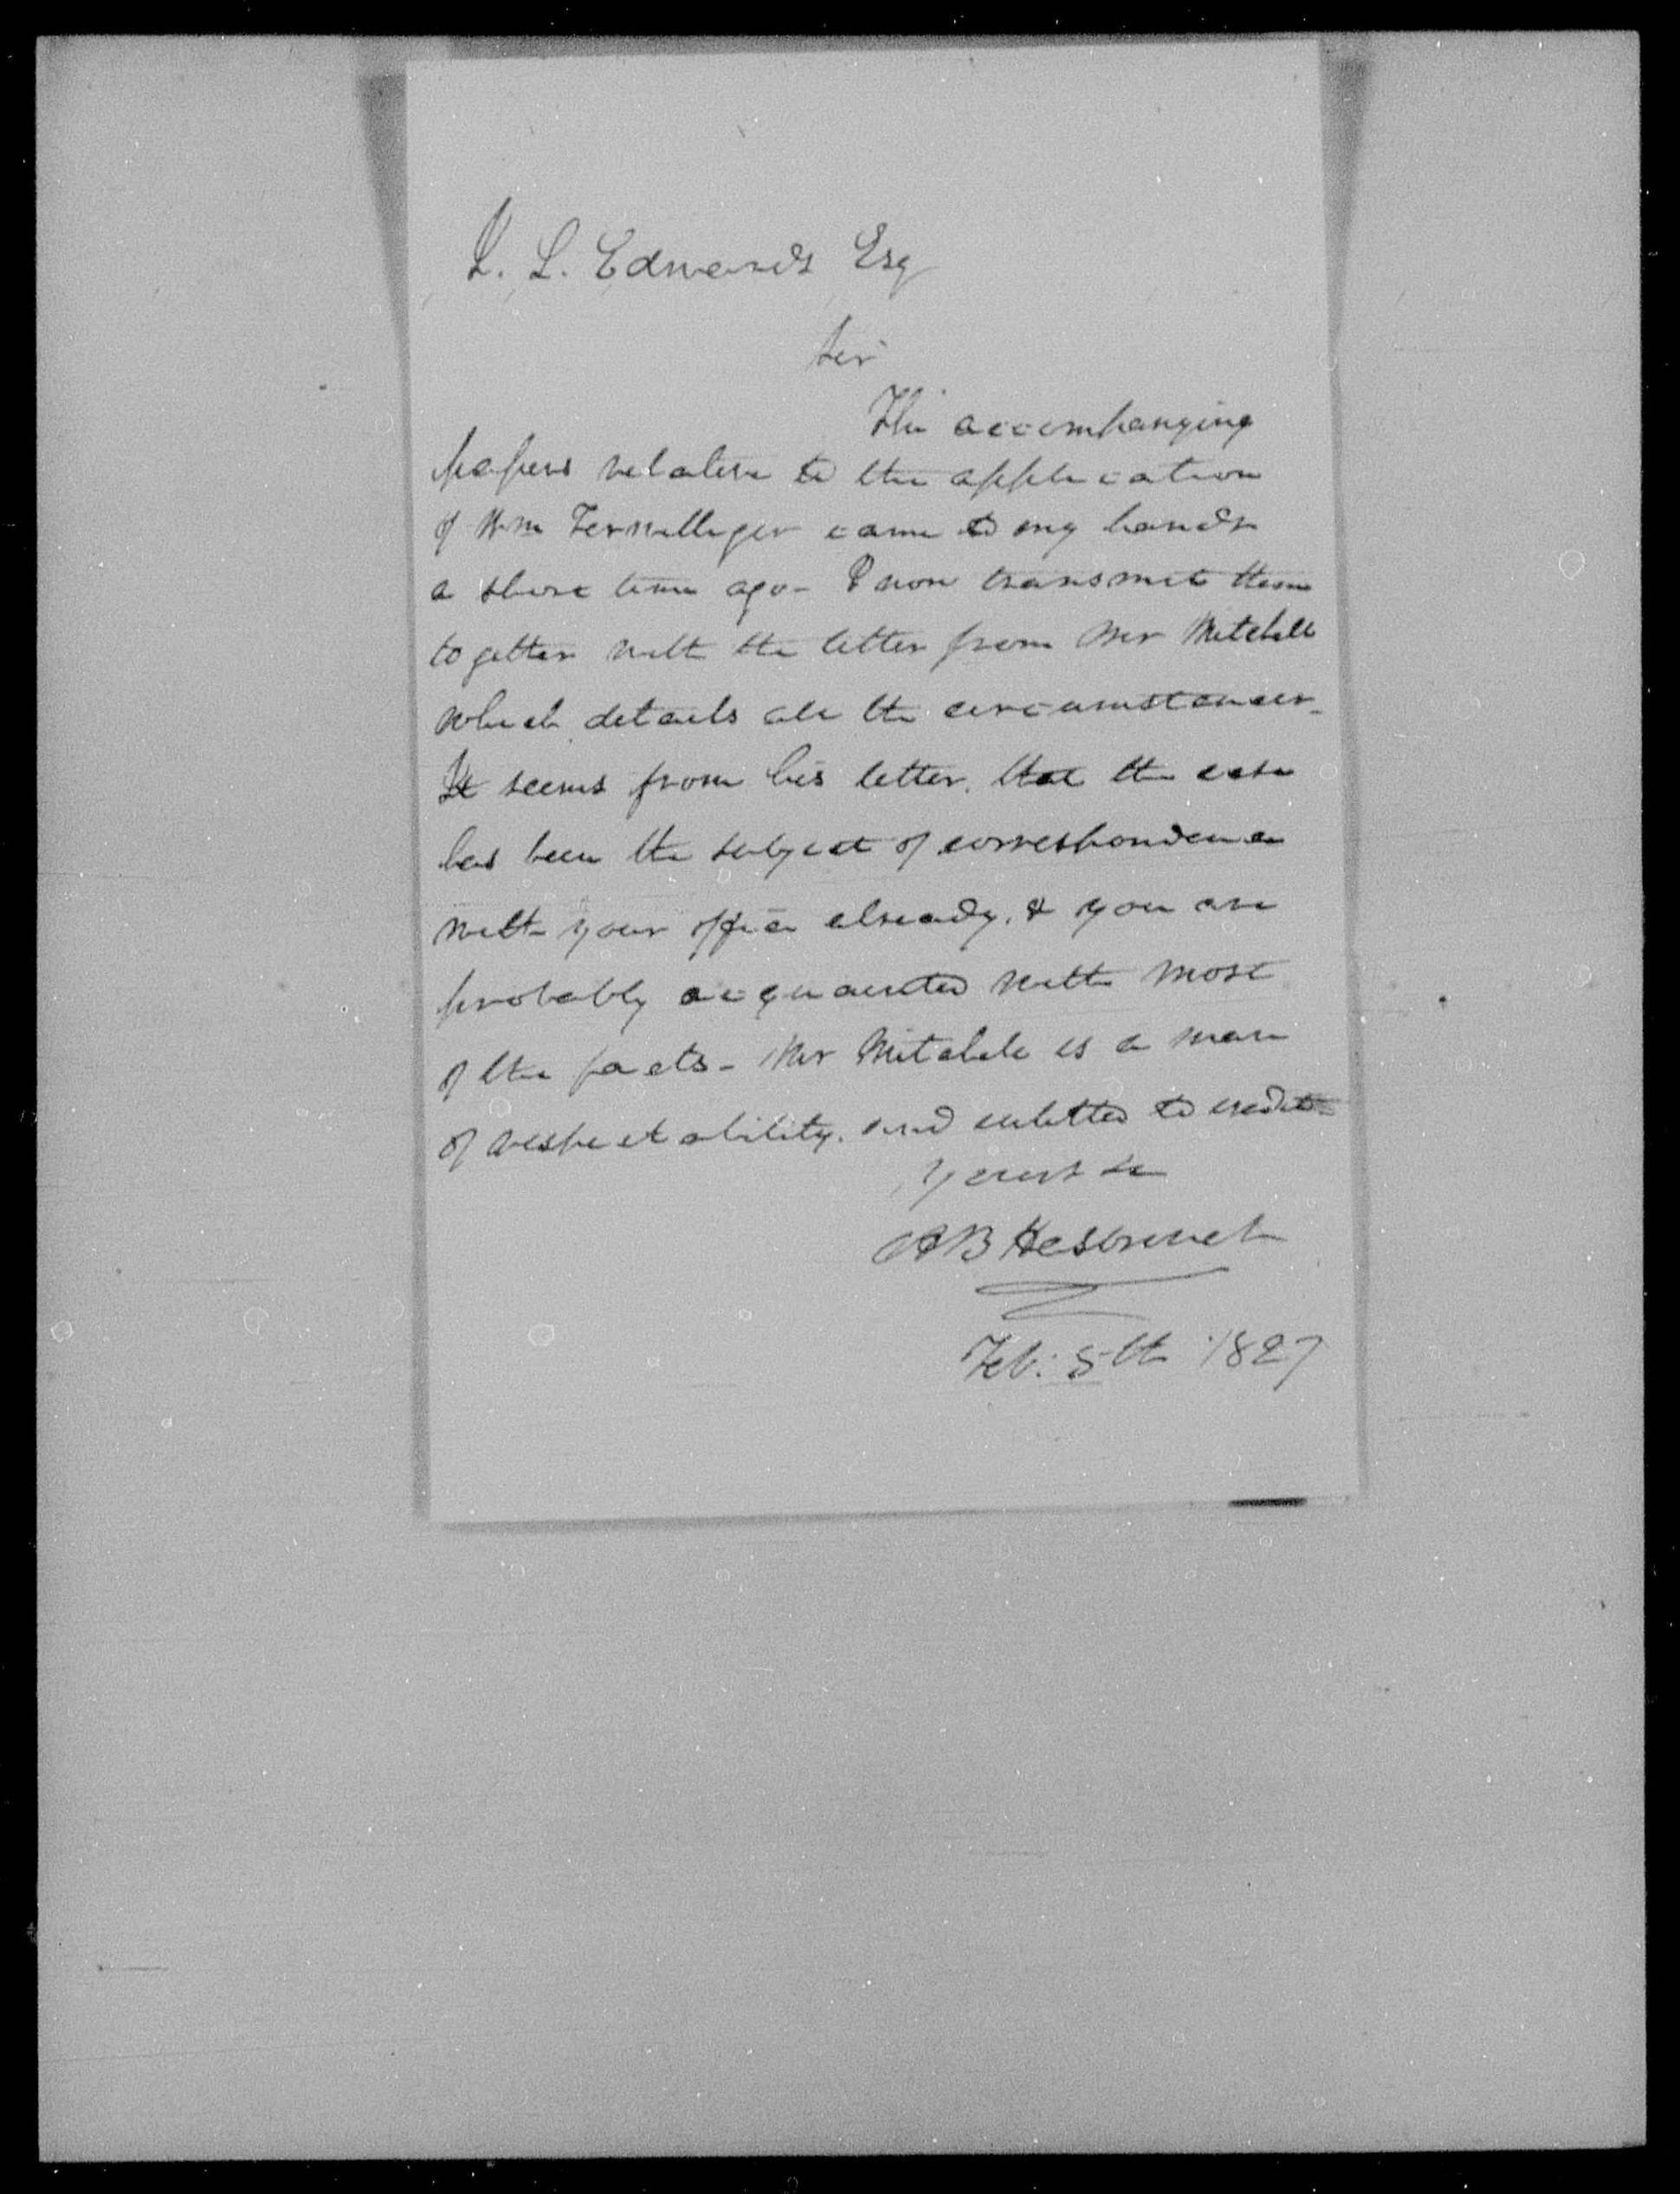J. L. Edwards Esq
Sir
the accompanying
papers relative to the application
of Wm Terwilliger came to my hands
a short time ago. I now transmit the
together with the letter from Mr Mitchell
which details all the circumstances
It seems from his letter that the case
has been the subject of correspondence
with your office already, & you are
probably acquainted with most
of the facts-- Mr Mitchell is a man
of respectability and entitled to credit
Yours
A B Hasbrouch
Feb. 5th 1827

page: 61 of 64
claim: survivor's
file: S. 42,464, for William Terwilliger, New York